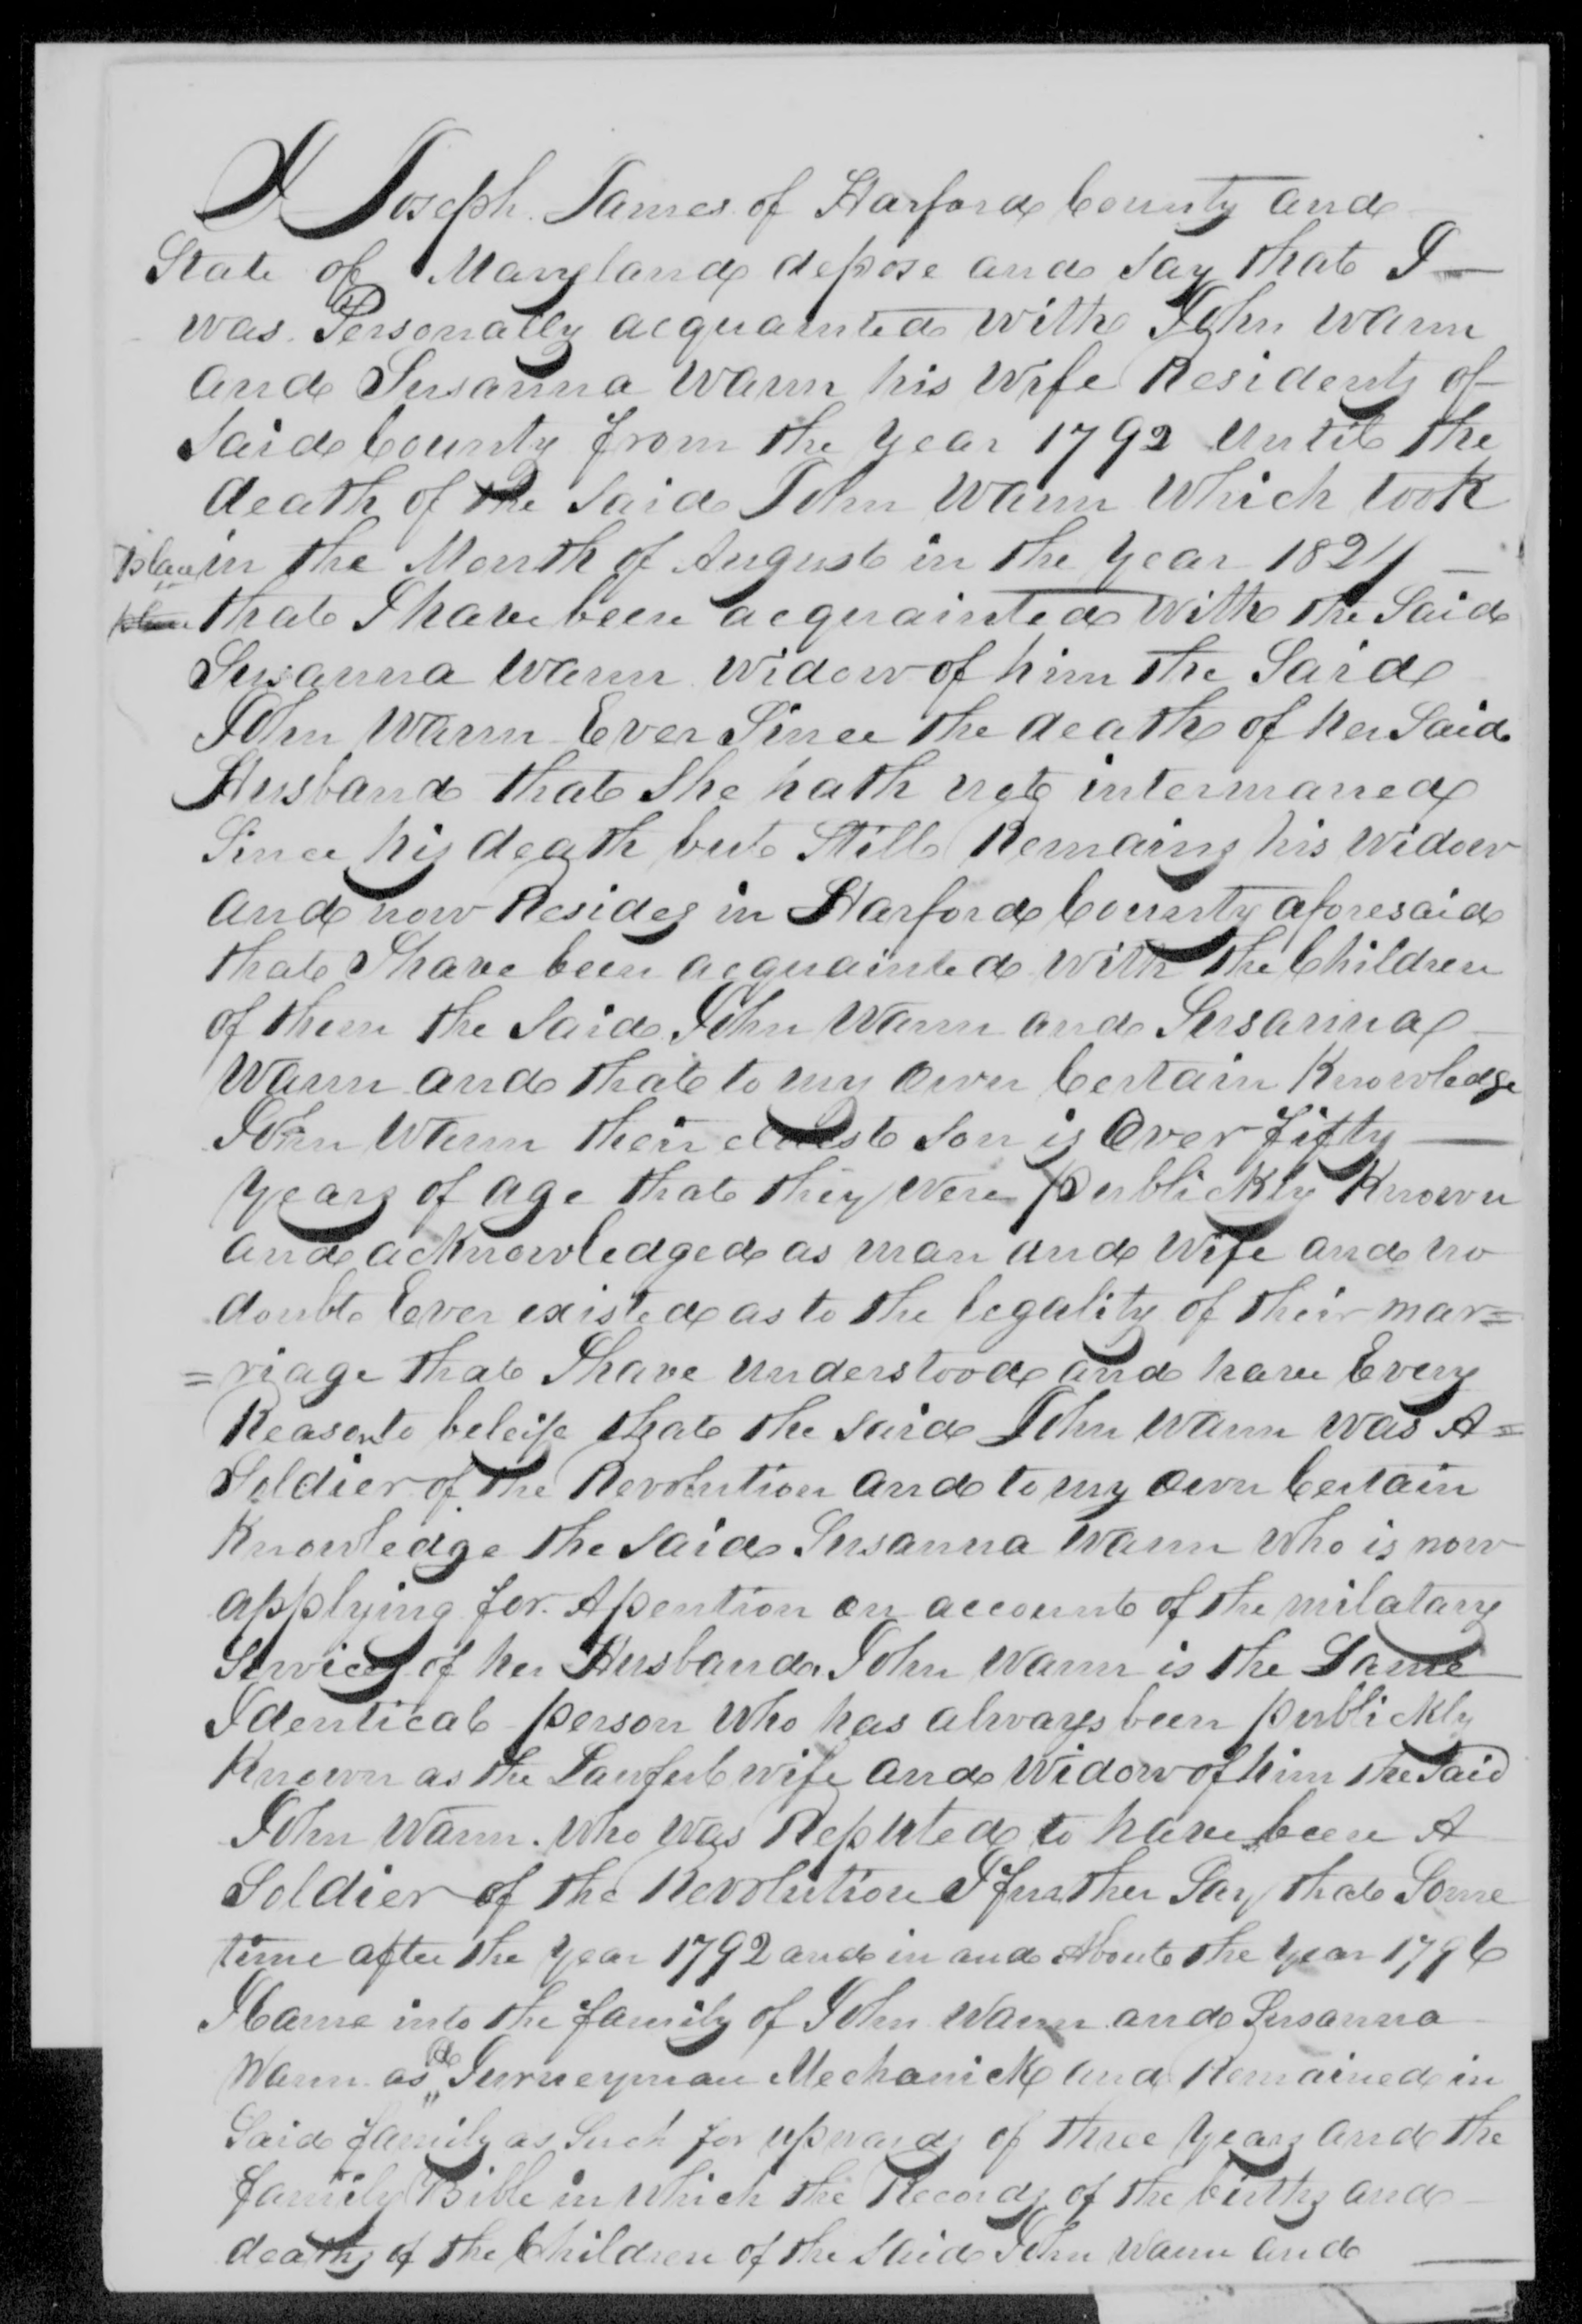I Joseph James [ https://catalog.archives.gov/images/misc/drag.png ]  of Harford County and State of Maryland depose and say that I was Personally acquainted with John Wann and Susanna Wann his wife residents of said County from the year 1792 until the death of the said John Wann which took place in the month of August in the year 1824 - that I have been acquainted with the said Susanna Wann Widow of him the said John Wann ever since the death of her said Husband that she hath not intermarred [intermarried] since his death but still remains his widow and now Resides in Harford County aforesaid that I have been acquainted with the Children of them the said John Wann and Susanna Wann and that to my own Certain Knowledge John Wann their eldest son is over fifty years of age that they were publickly [publicly] known and acknowledged as man and wife and no doubt ever existed as to the legality of their marriage that I have understood and have Every Reason to beleife [believe] that the said John Wann was A Soldier of the Revolution and to my own Certain Knowledge the said Susanna Wann who is now applying for pention [pension] on account of the military
Service of her Husband, John Wann is the Same Identical person who has always been publickly [publicly] Known as the Lawful wife and widow of him the said John Wann. Who was Reputed to have been A Soldier of the Revolution I further say that Some time after the year 1792 and in and about the year 1796 I Came into the family of John Wann and Susanna Wann as do Jurneyman [Journeyman] Mechanick [Mechanic] and remained in
Said family as such for upwards of three years and the family Bible in which the Record of the births and deaths of the Children of the said John Wann and ---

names: John Wann, John Wann, Joseph James, Susanna Wann, John Wann, John Wann, Susanna Wann, John Wann, Susanna Wann, John Wann, John Wann, Susanna Wann, John Wann, John Wann, Susanna Wann, John Wann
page: 6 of 38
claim: widow's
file: W. 3899, John Wann, Penn.